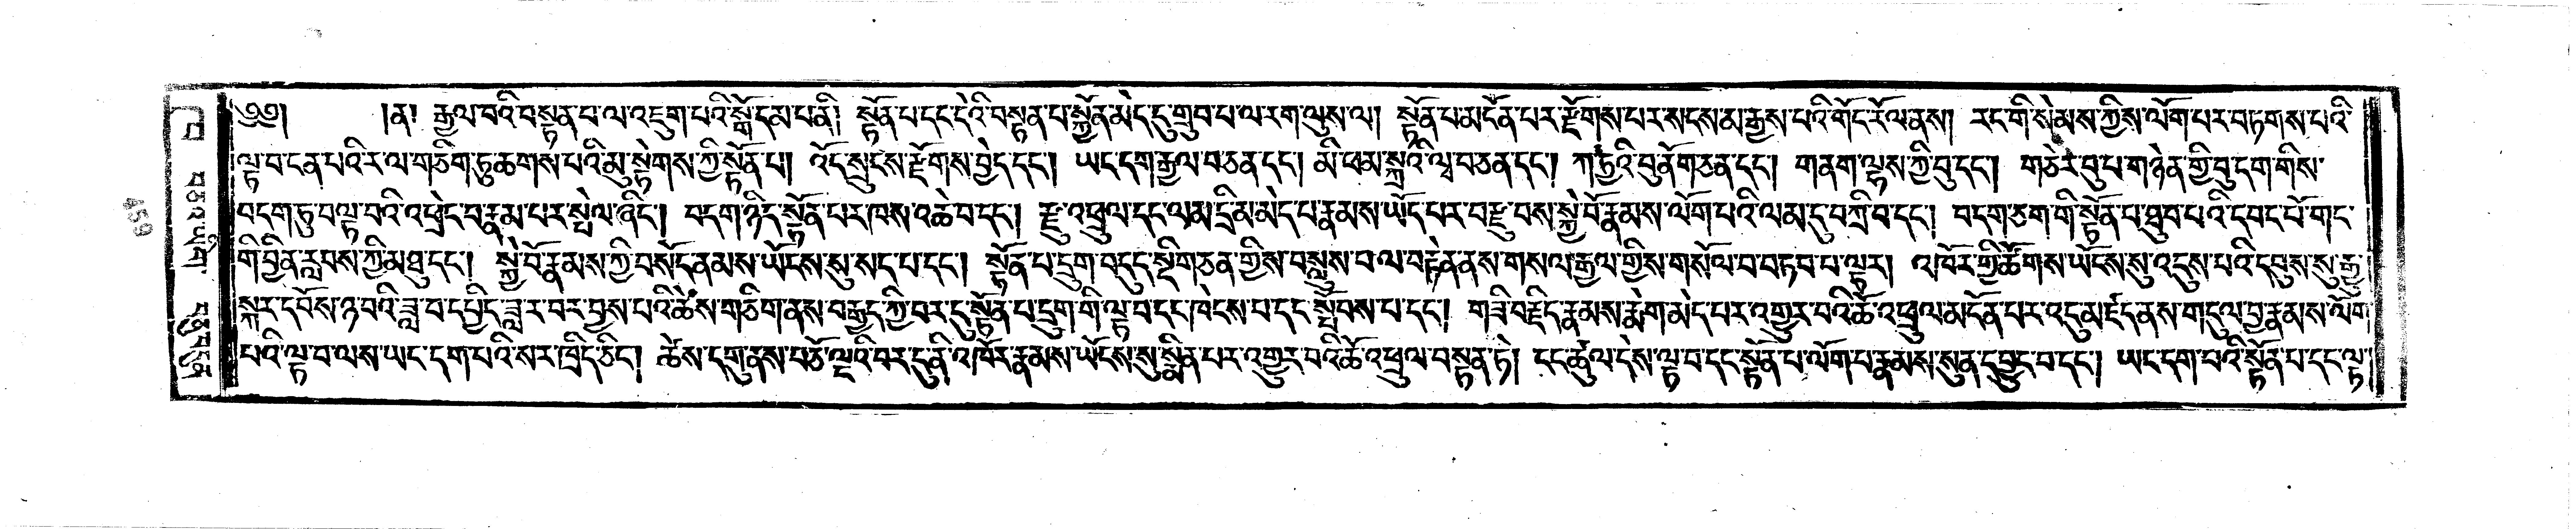༄༅། །ན། རྒྱལ་བའི་བསྟན་པ་ལ་འཇུག་པའི་སྒོ་དམ་པ་ནི། སྟོན་པ་དང་དེའི་བསྟན་པ་སྐྱོན་མེད་དུ་གྲུབ་པ་ལ་རག་ལུས་ལ། སྟོན་པ་མངོན་པར་རྫོགས་པར་སངས་མ་རྒྱས་པའི་གོང་རོལ་ནས། རང་གི་སེམས་ཀྱིས་ལོག་པར་བཏགས་པའི་
ལྟ་བ་ངན་པའི་ར་ལ་གཅིག་ཏུ་ཆགས་པའི་མུ་སྟེགས་ཀྱི་སྟོན་པ། འོད་སྲུངས་རྫོགས་བྱེད་དང་། ཡང་དག་རྒྱལ་བ་ཅན་དང་། མི་ཕམ་སྐྲའི་ལྭ་བ་ཅན་དང་། ཀ་ཏྱའི་བུ་ནོག་ཅན་དང་། གནག་ལྷས་ཀྱི་བུ་དང་། གཅེར་བུ་པ་གཉེན་གྱི་བུ་དག་གིས་
བདག་ཏུ་བལྟ་བའི་འཕྲེང་བ་རྣམ་པར་སྤེལ་ཞིང་། བདག་ཉིད་སྟོན་པར་ཁས་འཆེ་བ་དང་། རྫུ་འཕྲུལ་དང་ལམ་དྲི་མ་མེད་པ་རྣམས་ཡོད་པར་བརྫུ་བས་སྐྱེ་བོ་རྣམས་ལོག་པའི་ལམ་དུ་བཀྲི་བ་དང་། བདག་ཅག་གི་སྟོན་པ་ཐུབ་པའི་དབང་པོ་གང་
གི་བྱིན་རླབས་ཀྱི་མཐུ་དང་། སྐྱེ་བོ་རྣམས་ཀྱི་བསོད་ནམས་ཡོངས་སུ་སད་པ་དང་། སྟོན་པ་དྲུག་བདུད་སྡིག་ཅན་གྱིས་བསླུས་བ་ལ་བརྟེན་ནས་གསལ་རྒྱལ་གྱིས་གསོལ་བ་བཏབ་པ་ལྟར། འཁོར་གྱི་ཚོགས་ཡོངས་སུ་འདུས་པའི་དབུས་སུ་རྒྱུ་
སྐར་དབོས་ཉ་བའི་ཟླ་བ་དཔྱིད་ཟླར་བར་བྱས་པའི་ཚེས་གཅིག་ནས་བརྒྱད་ཀྱི་བར་དུ་སྟོན་པ་དྲུག་གི་ལྟ་བ་དང་ཁེངས་པ་དང་སྤོབས་པ་དང་། གཟི་བརྗིད་རྣམས་རྨེག་མེད་པར་འགྱུར་བའི་ཆོ་འཕྲུལ་མངོན་པར་འདུ་མཛད་ནས་གདུལ་བྱ་རྣམས་ལོག་
པའི་ལྟ་བ་ལས་ཡང་དག་པའི་སར་ཁྲིད་ཅིང་། ཚེས་དགུ་ནས་བཅོ་ལྔའི་བར་དུ་ནི་འཁོར་རྣམས་ཡོངས་སུ་སྨིན་པར་འགྱུར་བའི་ཆོ་འཕྲུལ་བསྟན་ཏེ། ངང་ཚུལ་དེས་ལྟ་བ་དང་སྟོན་པ་ལོག་པ་རྣམས་སུན་དབྱུང་བ་དང་། ཡང་དག་པའི་སྟོན་པ་དང་ལྟ།